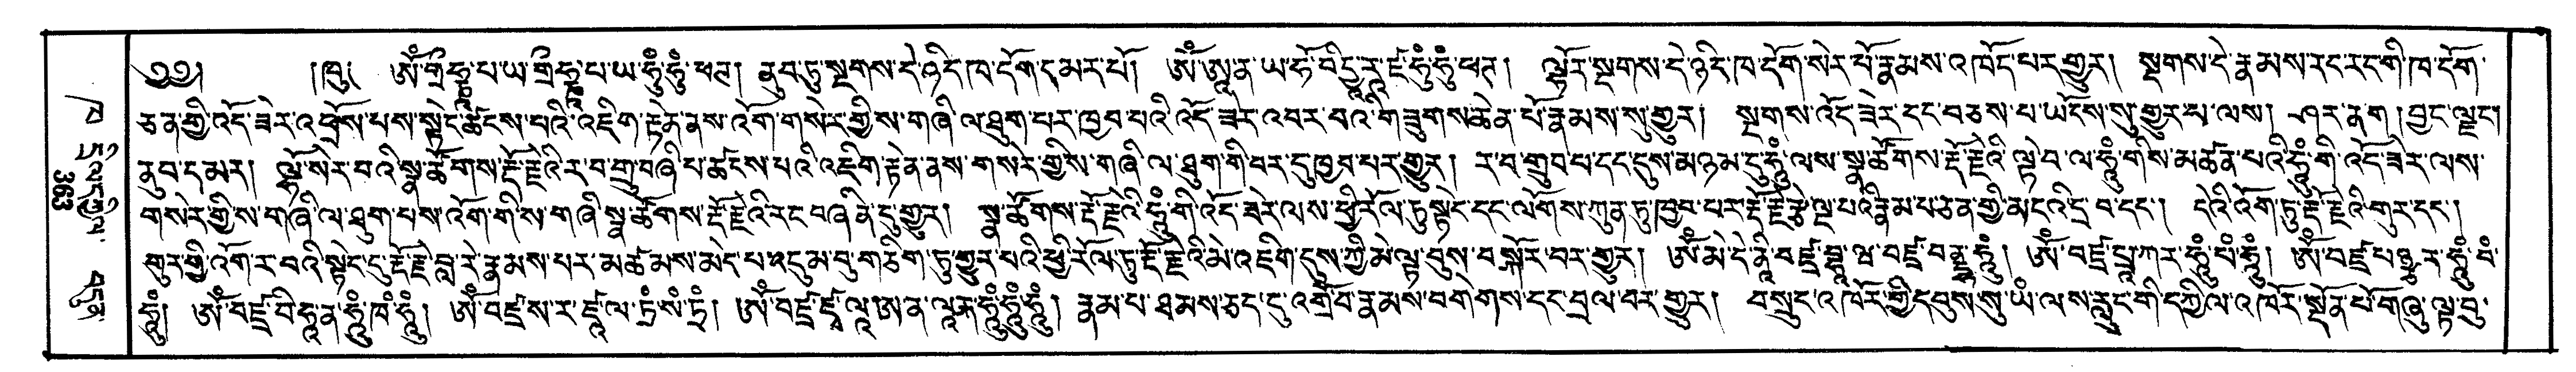༄༅། །ཁུ༑ ཨོཾ་གྲྀ་ཧྞཱ་པ་ཡ་གྲྀ་ཧྞཱ་པ་ཡ་ཧུཾ་ཧུཾ་ཕེཊ། ནུབ་ཏུ་སྔགས་དེ་ཉིད་ཁ་དོག་དམར་པོ། ཨོཾ་ཨཱ་ན་ཡ་ཧོ་བི་དྱཱ་རཱ་ཛ་ཧུཾ་ཧུཾ་ཕཊ། ལྷོར་སྔགས་དེ་ཉིད་ཁ་དོག་སེར་པོ་རྣམས་འཁོད་པར་གྱུར། སྔགས་དེ་རྣམས་རང་རང་གི་ཁ་དོག་
ཅན་གྱི་འོད་ཟེར་འཕྲོས་པས་སྟེང་ཚངས་པའི་འཇིག་རྟེན་ནས་འོག་གསེར་གྱི་ས་གཞི་ལ་ཐུག་པར་ཁྱབ་པའི་འོད་ཟེར་འབར་བའི་གཟུགས་ཆེན་པོ་རྣམས་སུ་གྱུར། སྔགས་འོད་ཟེར་དང་བཅས་པ་ཡོངས་སུ་གྱུར་པ་ལས། ཤར་ནག །བྱང་ལྗང་
ནུབ་དམར། ལྷོ་སེར་བའི་སྣ་ཚོགས་རྡོ་རྗེའི་ར་བ་གྲུ་བཞི་པ་ཚངས་པའི་འཇིག་རྟེན་ནས་གསེར་གྱི་ས་གཞི་ལ་ཐུག་གི་བར་དུ་ཁྱབ་པར་གྱུར། རབ་གྲུབ་པ་དང་དུས་མཉམ་དུ་ཧཱུཾ་ལས་སྣ་ཚོགས་རྡོ་རྗེའི་ལྟེ་བ་ལ་ཧཱུཾ་གིས་མཚན་པའི་ཧཱུཾ་གི་འོད་ཟེར་ལས་
གསེར་གྱི་ས་གཞི་ལ་ཐུག་པས་འོག་གི་ས་གཞི་སྣ་ཚོགས་རྡོ་རྗེའི་རང་བཞིན་དུ་གྱུར། སྣ་ཚོགས་རྡོ་རྗེའི་ཧཱུཾ་གི་འོད་ཟེར་ལས་ཕྱི་རོལ་ཏུ་སྟེང་དང་ལོགས་ཀུན་ཏུ་ཁྱབ་པར་རྡོ་རྗེ་རྩེ་ལྔ་བའི་རྣམ་པ་ཅན་གྱི་མངའི་དྲ་བ་དང་། དེའི་འོག་ཏུ་རྡོ་རྗེའི་གུར་དང་།
གུར་གྱི་འོག་ར་བའི་སྟེང་དུ་རྡོ་རྗེ་བླ་རེ་རྣམས་པར་མཚམས་མེད་པ་དུམ་བུ་གཅིག་ཏུ་གྱུར་པའི་ཕྱི་རོལ་ཏུ་རྡོ་རྗེའི་མེ་འཇིག་དུས་ཀྱི་མེ་ལྟ་བུས་བསྐོར་བར་གྱུར། ཨོཾ་མེ་དེ་ནཱི་བཛྲ་བྷཱ་ཝ་བཛྲ་བརྡྷ་ཧཱུཾ། ཨོཾ་བཛྲ་པྲཱ་ཀ་ར་ཧཱུཾ་པཾ་ཧཱུཾ། ཨོཾ་བ་ཛྲ་པཉྩ་ར་ཧཱུཾ་བཾ་
ཧཱུཾ། ཨོཾ་བཛྲ་བི་ཏཱ་ན་ཧཱུཾ་ཁཾ་ཧཱུཾ། ཨོཾ་བཛྲ་ས་ར་ཛཱ་ལ་ཏྲཾ་སཾ་ཏྲཾ། ཨོཾ་བཛྲ་ཛཱ་ལཱ་ཨ་ན་ལཱ་རྐ་ཧཱུཾ་ཧཱུཾ་ཧཱུཾ། རྣམ་པ་ཐམས་ཅད་དུ་འགྲོ་བ་རྣམས་བགེགས་ས་དང་བྲལ་བར་གྱུར། བསྲུང་འཁོར་གྱི་དབུས་སུ་ཡཾ་ལས་རླུང་གི་དཀྱིལ་འཁོར་སྔོན་པོ་གཞུ་ལྟ་བུ་